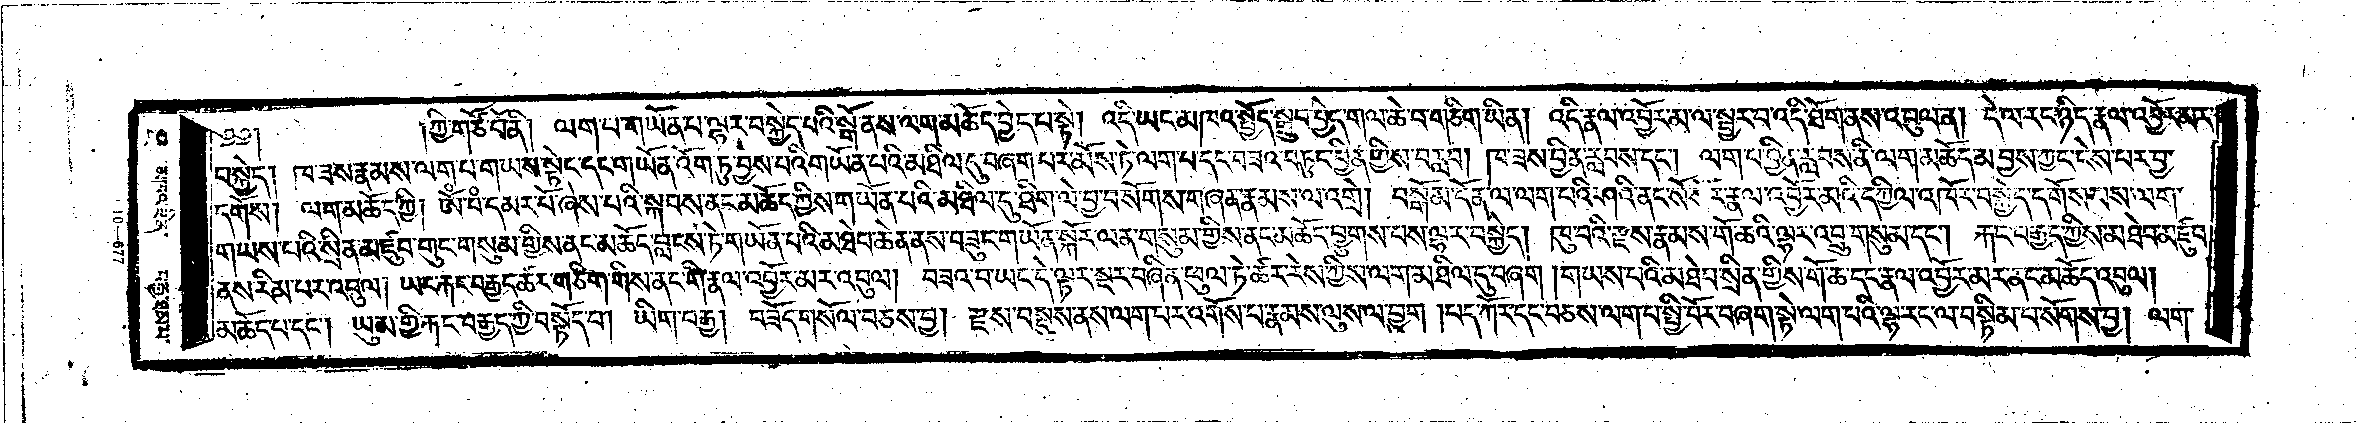༄༅། །ཀྱི་གཙོ་བོ་ནི། ལག་པ་གཡོན་པ་ལྷར་བསྐྱེད་པའི་སྒོ་ནས་ལག་མཆོད་བྱེད་པ་སྟེ། འདི་ཡང་མཁའ་སྤྱོད་སྒྲུབ་བྱེད་གལ་ཆེ་བ་གཅིག་ཡིན། འདི་རྣལ་འབྱོར་མ་ལ་སྦྱར་བ་འདི་ཐོག་ནས་འབུལ་ན། དེ་ལ་རང་ཉིད་རྣལ་འབྱོར་མར་
བསྐྱེད། ཁ་ཟས་རྣམས་ལག་པ་གཡས་སྟེང་དང་གཡོན་འོག་ཏུ་བྱས་པའི་གཡོན་པའི་མཐིལ་དུ་བཞག་པར་མོས་ཏེ་ལག་པ་དང་བཟའ་བཏུང་བྱིན་གྱིས་བརླབ། ཁ་ཟས་བྱིན་རླབས་དང་། ལག་པ་བྱིན་རླབས་ནི་ལག་མཆོད་མ་བྱས་ཀྱང་ངེས་པར་བྱ་
དགོས། ལག་མཆོད་ཀྱི། ཨོཾ་བཾ་དམར་པོ་ཞེས་པའི་སྐབས་ནང་མཆོད་ཀྱིས་གཡོན་པའི་མཐིལ་དུ་ཐིག་ལེ་བྱ་བ་སོགས་གཞན་རྣམས་ལ་འགྲེ། བསྒོམ་དོན་ལ་ལག་པའི་ཤའི་ནང་སོ་སོར་རྣལ་འབྱོར་མའི་དཀྱིལ་འཁོར་བསྐྱེད་དགོས་པས་ལག་
གཡས་པའི་སྲིན་མཛུབ་གུང་གསུམ་གྱིས་ནང་མཆོད་བླངས་ཏེ་གཡོན་པའི་མཐེབ་ཆེན་ནས་བཟུང་གཡོན་སྐོར་ལན་གསུམ་གྱིས་ནང་མཆོད་བྱུགས་པས་ལྷར་བསྐྱེད། ཁུ་བའི་རྫས་རྣམས་གོ་ཆའི་ལྷར་འབྲུ་གསུམ་དང་། རྐང་བརྒྱད་ཀྱིས་མཐེབ་མཛུབ་
ནས་རིམ་པར་འབུལ། ཡང་རྐང་བརྒྱད་ཚར་གཅིག་གིས་ནང་གི་རྣལ་འབྱོར་མར་འབུལ། བཟའ་བ་ཡང་དེ་ལྟར་སྦར་བཞིན་ཕུལ་ཏེ་ཚར་རེས་ཀྱིས་ལག་མཐིལ་དུ་བཞག །གཡས་པའི་མཐེབ་སྲིན་གྱིས་གོ་ཆ་དང་རྣལ་འབྱོར་མར་ནང་མཆོད་འབུལ།
མཆོད་པ་དང་། ཡུམ་གྱི་རྐང་བརྒྱད་ཀྱི་བསྟོད་པ། ཡིག་བརྒྱ། བཟོད་གསོལ་བཅས་བྱ། རྫས་བསྡུས་ནས་ལག་པར་འགོས་པ་རྣམས་ལུས་ལ་བྱུག །བད་ཀོར་དང་བཅས་ལག་པ་སྤྱི་བོར་བཞག་སྟེ་ལག་པའི་ལྷ་རང་ལ་བསྟིམ་པ་སོགས་བྱ། ལག་